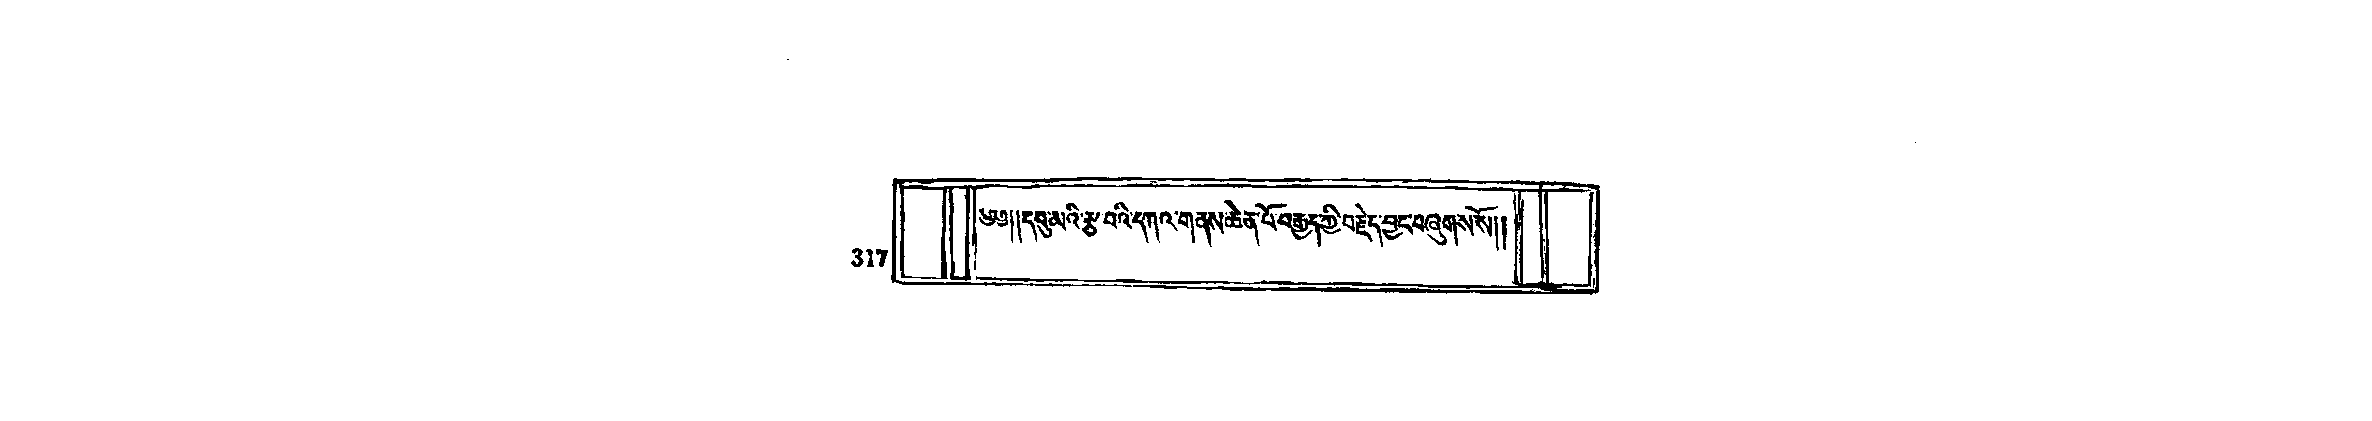༄༅། །དབུ་མའི་རྩ་བའི་དཀའ་གནས་ཆེན་པོ་བརྒྱད་ཀྱི་བརྗེད་བྱང་བཞུགས་སོ། །